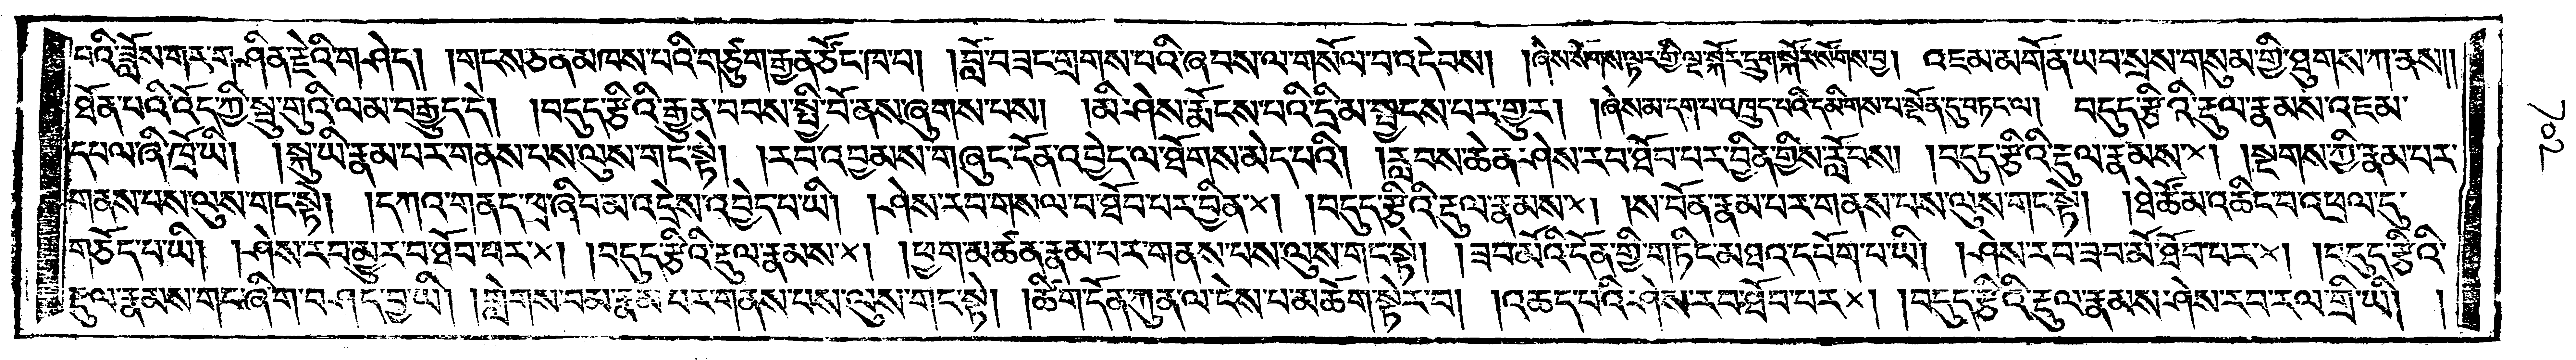པའི་ཟློས་གར་གཤིན་རྗེའི་གཤེད། །གངས་ཅན་མཁས་པའི་གཙུག་རྒྱན་ཙོང་ཁ་པ། །བློ་བཟང་གྲགས་པའི་ཞབས་ལ་གསོལ་བ་འདེབས། །ཞེས་སོགས་ལྟར་གྱི་ལྔ་སྐོར་དྲུག་སྐོར་སོགས་བྱ།  འཇམ་མགོན་ཡབ་སྲས་གསུམ་གྱི་ཐུགས་ཀ་ནས། །
ཐོན་པའི་འོད་ཀྱི་སླུ་གུའི་ལམ་བརྒྱུད་དེ། །བདུད་རྩིའི་རྒྱུན་བབས་སྤྱི་བོ་ནས་ཞུགས་པས། །མི་ཤེས་རྨོངས་པའི་དྲི་མ་སྦྱངས་པར་གྱུར། །ཞེས་མ་དག་པ་འཁྲུད་པའི་དམིགས་པ་སྔོན་དུ་བཏང་ལ།  བདུད་རྩིའི་རྡུལ་རྣམས་འཇམ་
དཔལ་ཞི་ཁྲོ་ཡི། །སྐུ་ཡི་རྣམ་པར་གནས་པས་ལུས་གང་སྟེ། །རབ་འབྱམས་གཞུང་དོན་འབྱེད་ལ་ཐོགས་མེད་པའི། །རླབས་ཆེན་ཤེས་རབ་ཐོབ་པར་བྱིན་གྱིས་རློབས། །བདུད་རྩིའི་རྡུལ་རྣམས་྾། །སྔགས་ཀྱི་རྣམ་པར་
གནས་པས་ལུས་གང་སྟེ། །དཀའ་གནད་ཕྲ་ཞིབ་མ་འདྲེས་འབྱེད་པ་ཡི། །ཤེས་རབ་གསལ་བ་ཐོབ་པར་བྱིན་྾། །བདུད་རྩིའི་རྡུལ་རྣམས་྾། །ས་བོན་རྣམ་པར་གནས་པས་ལུས་གང་སྟེ། །ཐེ་ཚོམ་འཆིང་བ་འཕྲལ་དུ་
གཅོད་པ་ཡི། །ཤེས་རབ་མྱུར་བ་ཐོབ་པར་྾། །བདུད་རྩིའི་རྡུལ་རྣམས་྾། །ཕྱག་མཚན་རྣམ་པར་གནས་པས་ལུས་གང་སྟེ། །ཟབ་མོའི་དོན་གྱི་གཏིང་མཐའ་དཔོག་པ་ཡི། །ཤེས་རབ་ཟབ་མོ་ཐོབ་པར྾། །བདུད་རྩིའི་
རྡུལ་རྣམས་གང་ཞིག་བཤད་བྱ་ཡི། །གླེགས་བམ་རྣམ་པར་གནས་པས་ལུས་གང་སྟེ། །ཚིག་དོན་ཀུན་ལ་ངེས་པ་མཆོག་སྟེར་བ། །འཆད་པའི་ཤེས་རབ་ཐོབ་པར་྾། །བདུད་རྩིའི་རྡུལ་རྣམས་ཤེས་རབ་རལ་གྲི་ཡི། །